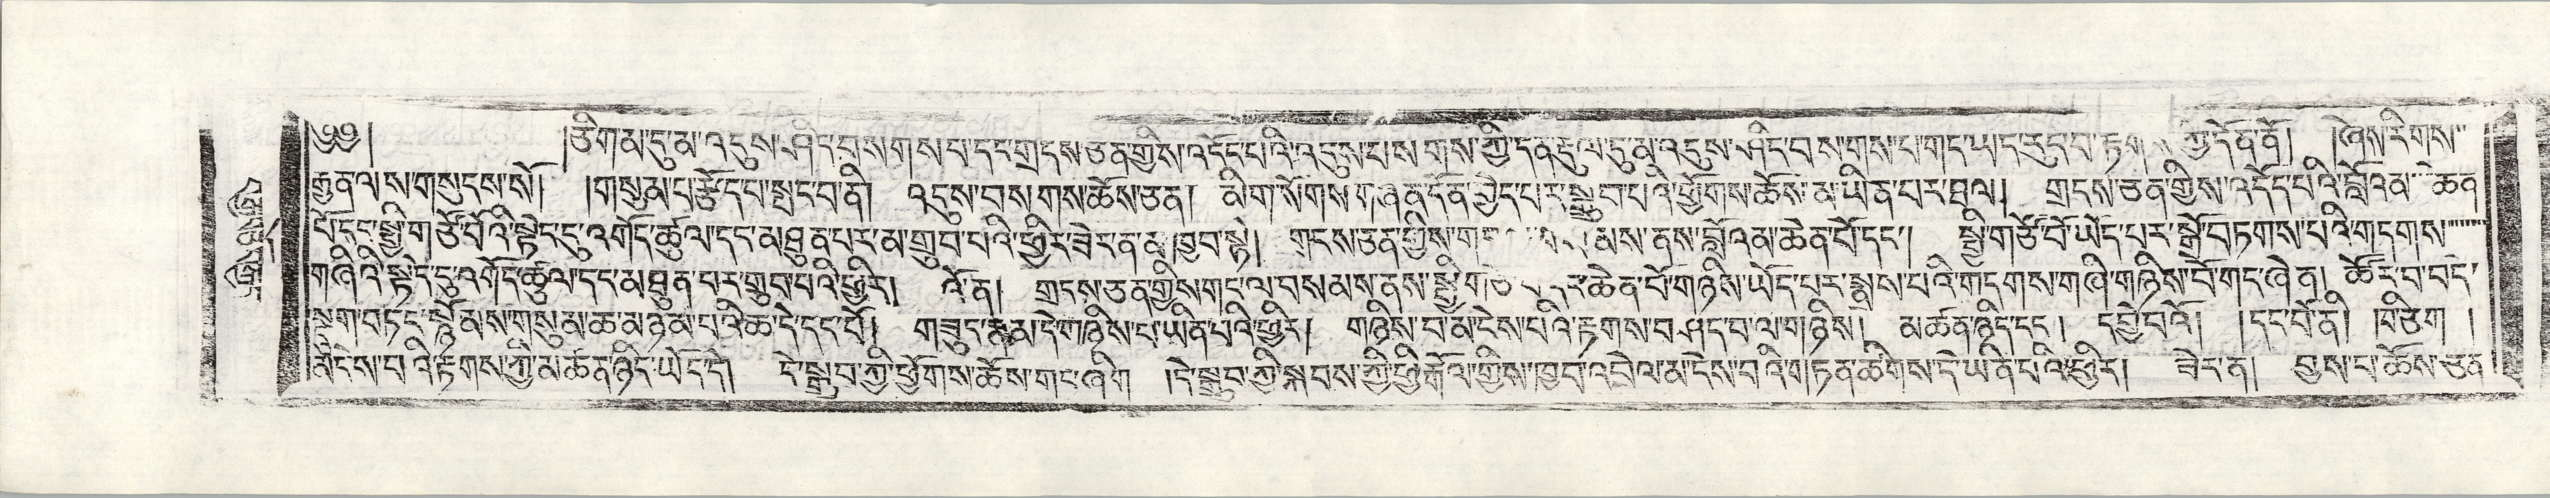ཅིག་མ་དུ་མ་འདུས་
ཤིང་བསགས་པ་དང་གྲངས་ཅན་གྱིས་འདོད་པའི་འདུས་བསགས་ཀྱི་དོན་རྡུལ་དུ་མ་འདུས་ཤིང་བསགས་པ་གང་ཡང་རུང་བ་རྟགས་ཀྱི་དོན་ནོ། ཞེས་རིགས་རྒྱན་ལས་གསུངས་སོ། །གསུམ་པ་རྩོད་པ་སྤོང་བ་ནི། འདུས་བསགས་ཆོས་ཅན། མིག་སོགས་གཞན་
དོན་བྱེད་པར་སྒྲུབ་པའི་ཕྱོགས་ཆོས་མ་ཡིན་པར་ཐལ། གྲངས་ཅན་གྱིས་འདོད་པའི་བློ་འམ་ཆེན་པོ་དང་སྤྱི་གཙོ་བོའི་སྟེང་དུ་འགོད་ཚུལ་དང་མཐུན་པར་མ་གྲུབ་པའི་ཕྱིར་ཟེར་ན་མ་ཁྱབ་སྟེ། གྲངས་ཅན་གྱིས་གང་ལ་བསམས་ནས་བློ་འམ་ཆེན་པོ་དང་། སྤྱི་གཙོ་
བོ་ཡོད་པར་སྒྲོ་བཏགས་པའི་གདགས་གཞིའི་སྟེང་དུ་འགོད་ཚུལ་དང་མཐུན་པར་གྲུབ་པའི་ཕྱིར། འོ་ན། གྲངས་ཅན་གྱིས་གང་ལ་བསམས་ནས་སྤྱི་གཙོ་བོ་དང་ཆེན་པོ་གཉིས་ཡོད་པར་སྨྲས་པའི་གདགས་གཞི་གཉིས་པོ་གང་ཞེ་ན། ཚོར་བ་བདེ་སྡུག་བཏང་སྙོམས་གསུམ་ཆ་མཉམ་པའི་ཆ་དེ་དང་པོ། གཟུང་རྣམ་དེ་གཉིས་པ་ཡིན་པའི་ཕྱིར། །གཉིས་པ་མ་ངེས་པའི་རྟགས་བཤད་པ་ལ་གཉིས། མཚན་ཉིད་དང་། དབྱེ་བའོ། །དང་པོ་ནི། ཁ་ཅིག །མ་ངེས་པའི་རྟགས་ཀྱི་མཚན་ཉིད་ཡོད་དེ། དེ་སྒྲུབ་ཀྱི་ཕྱོགས་
ཆོས་གང་ཞིག །དེ་སྒྲུབ་ཀྱི་སྐབས་ཀྱི་ཕྱི་རྒོལ་གྱིས་ཁྱབ་འབྲེལ་མ་ངེས་པའི་གཏན་ཚིགས་དེ་ཡིན་པའི་ཕྱིར། ཟེར་ན། བྱས་པ་ཆོས་ཅན།